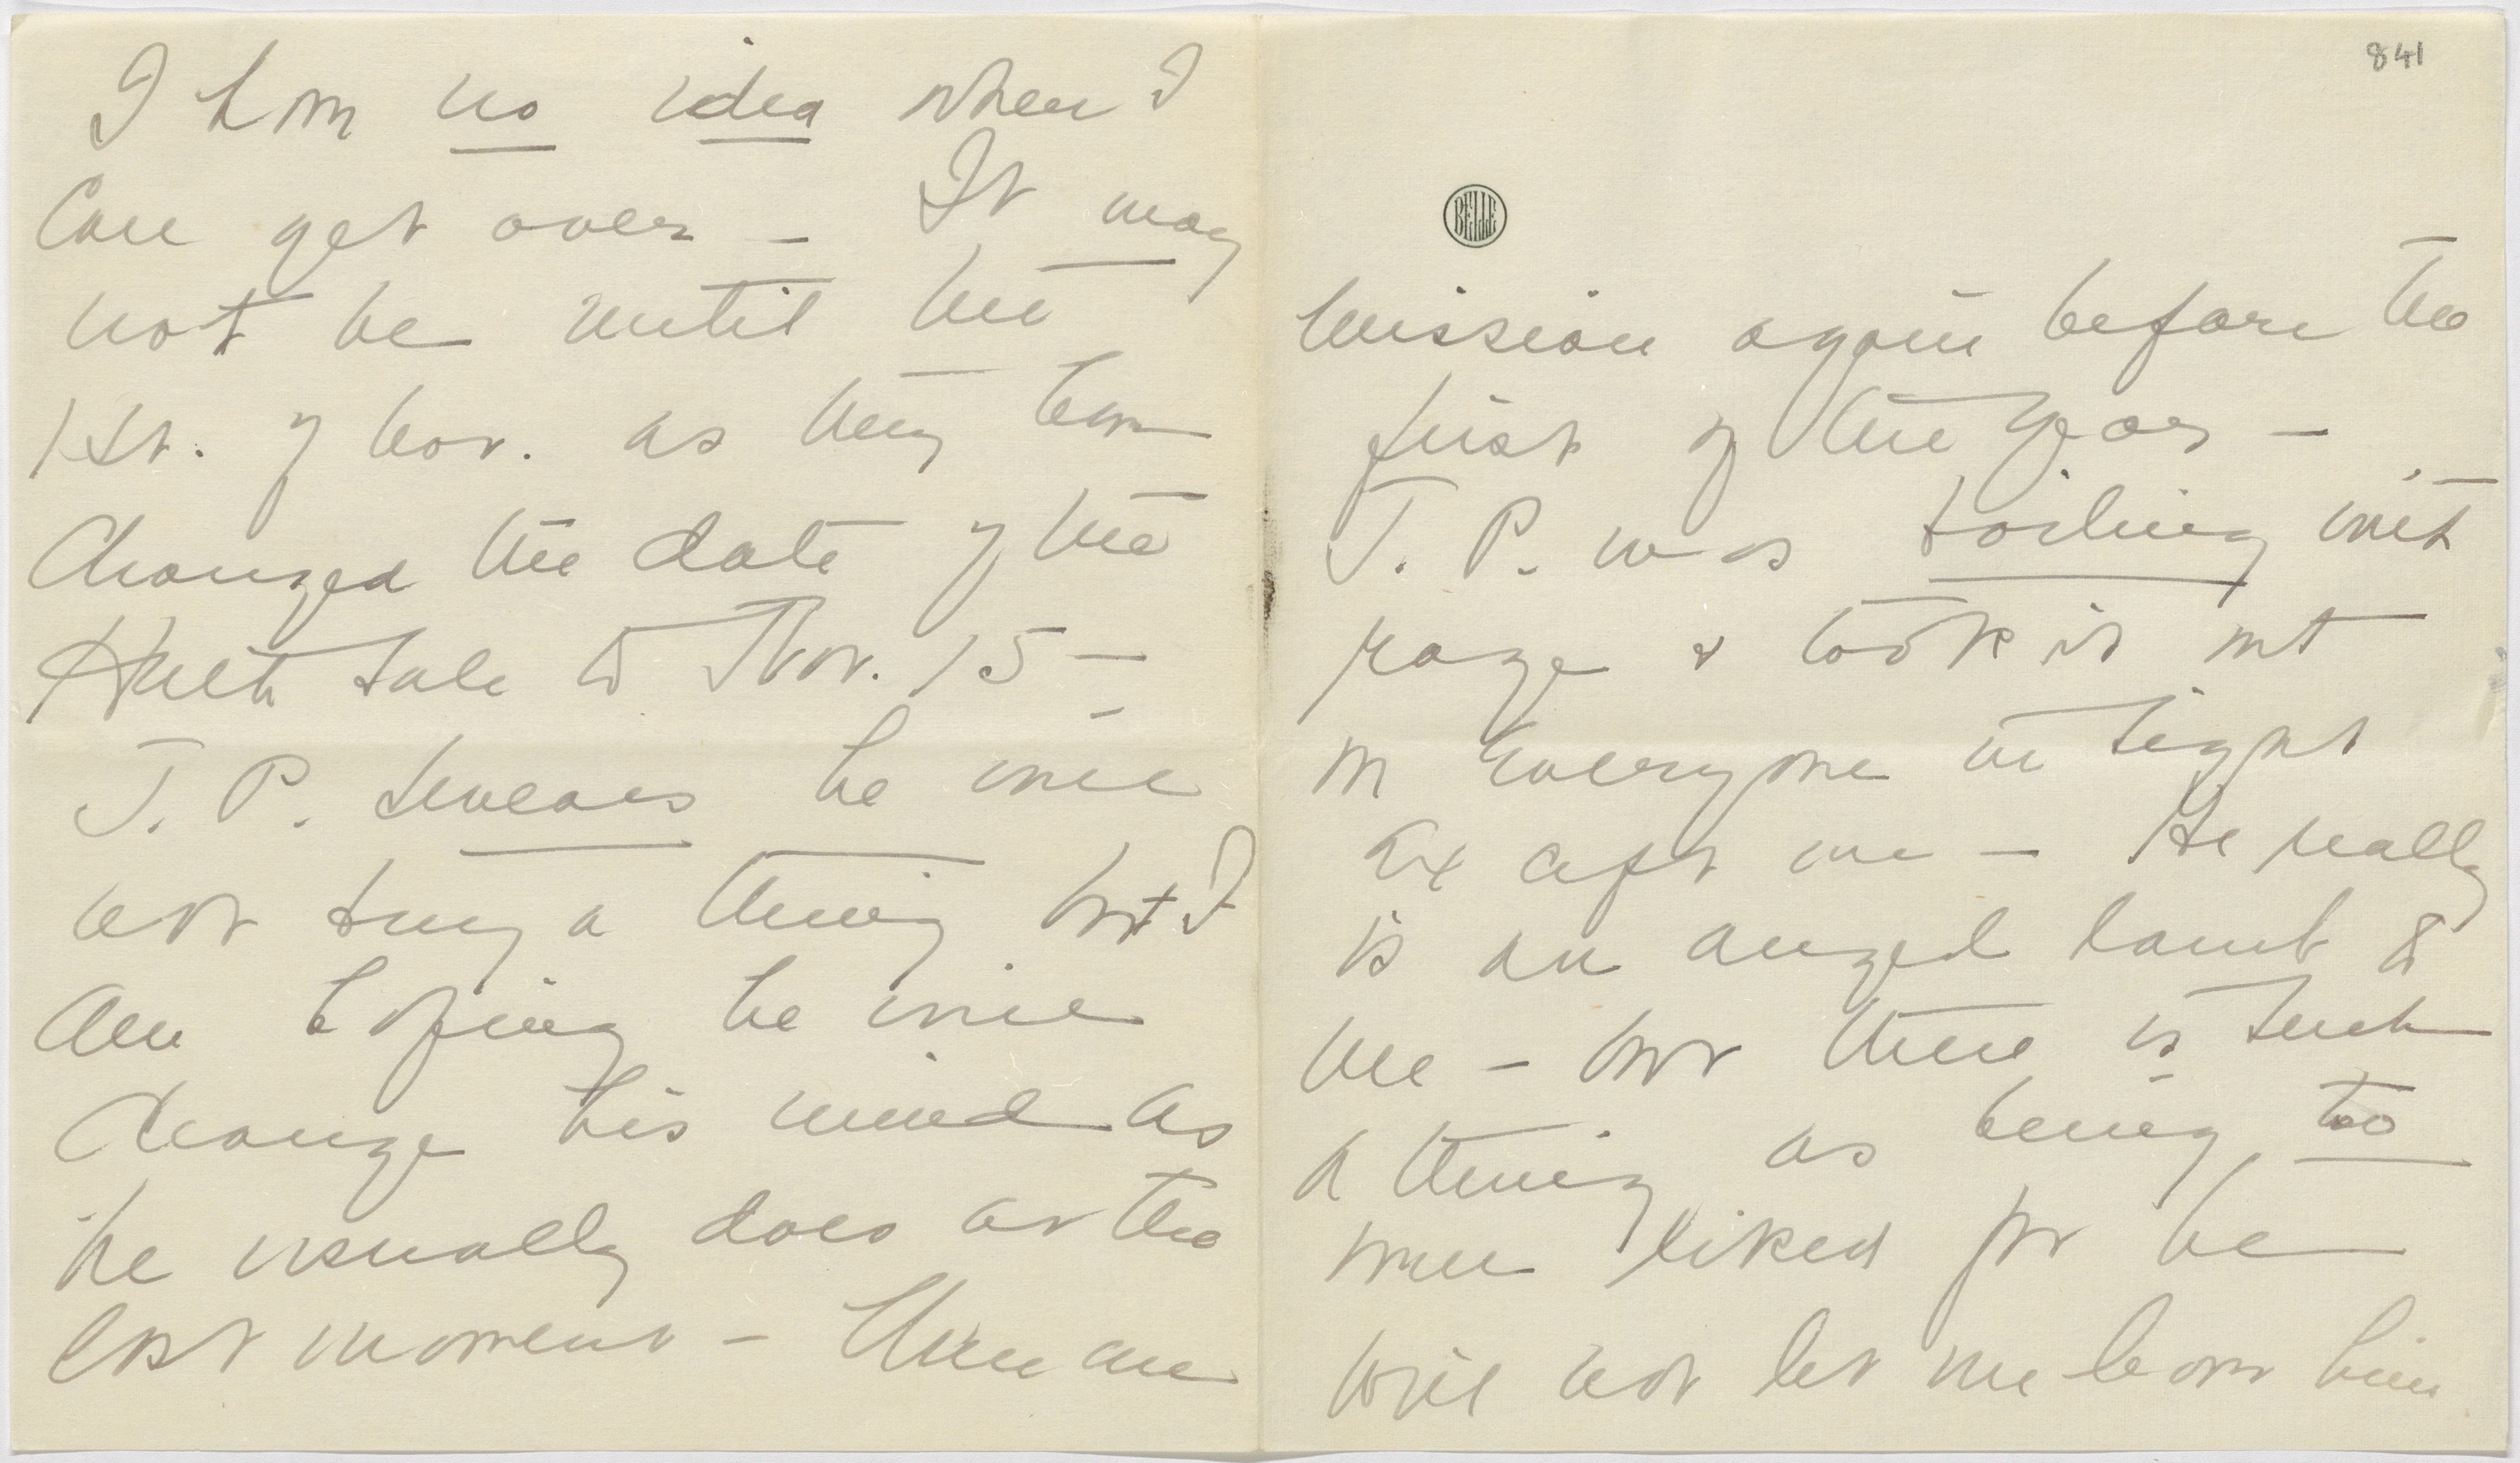again before the first of the year –
J. P. was boiling with rage & took it out on everyone in sight except me – He really is an angel lamb to me – but there is such a thing as being too well liked for he will not let me leave him.
I have no idea when I can get over – It may not be until the 1st of Nov. as they have changed the date of the Huth Sale to Nov. 15 –
J. P. swears he will not buy a thing but I am hoping he will change his mind as he usually does at the last moment – There are